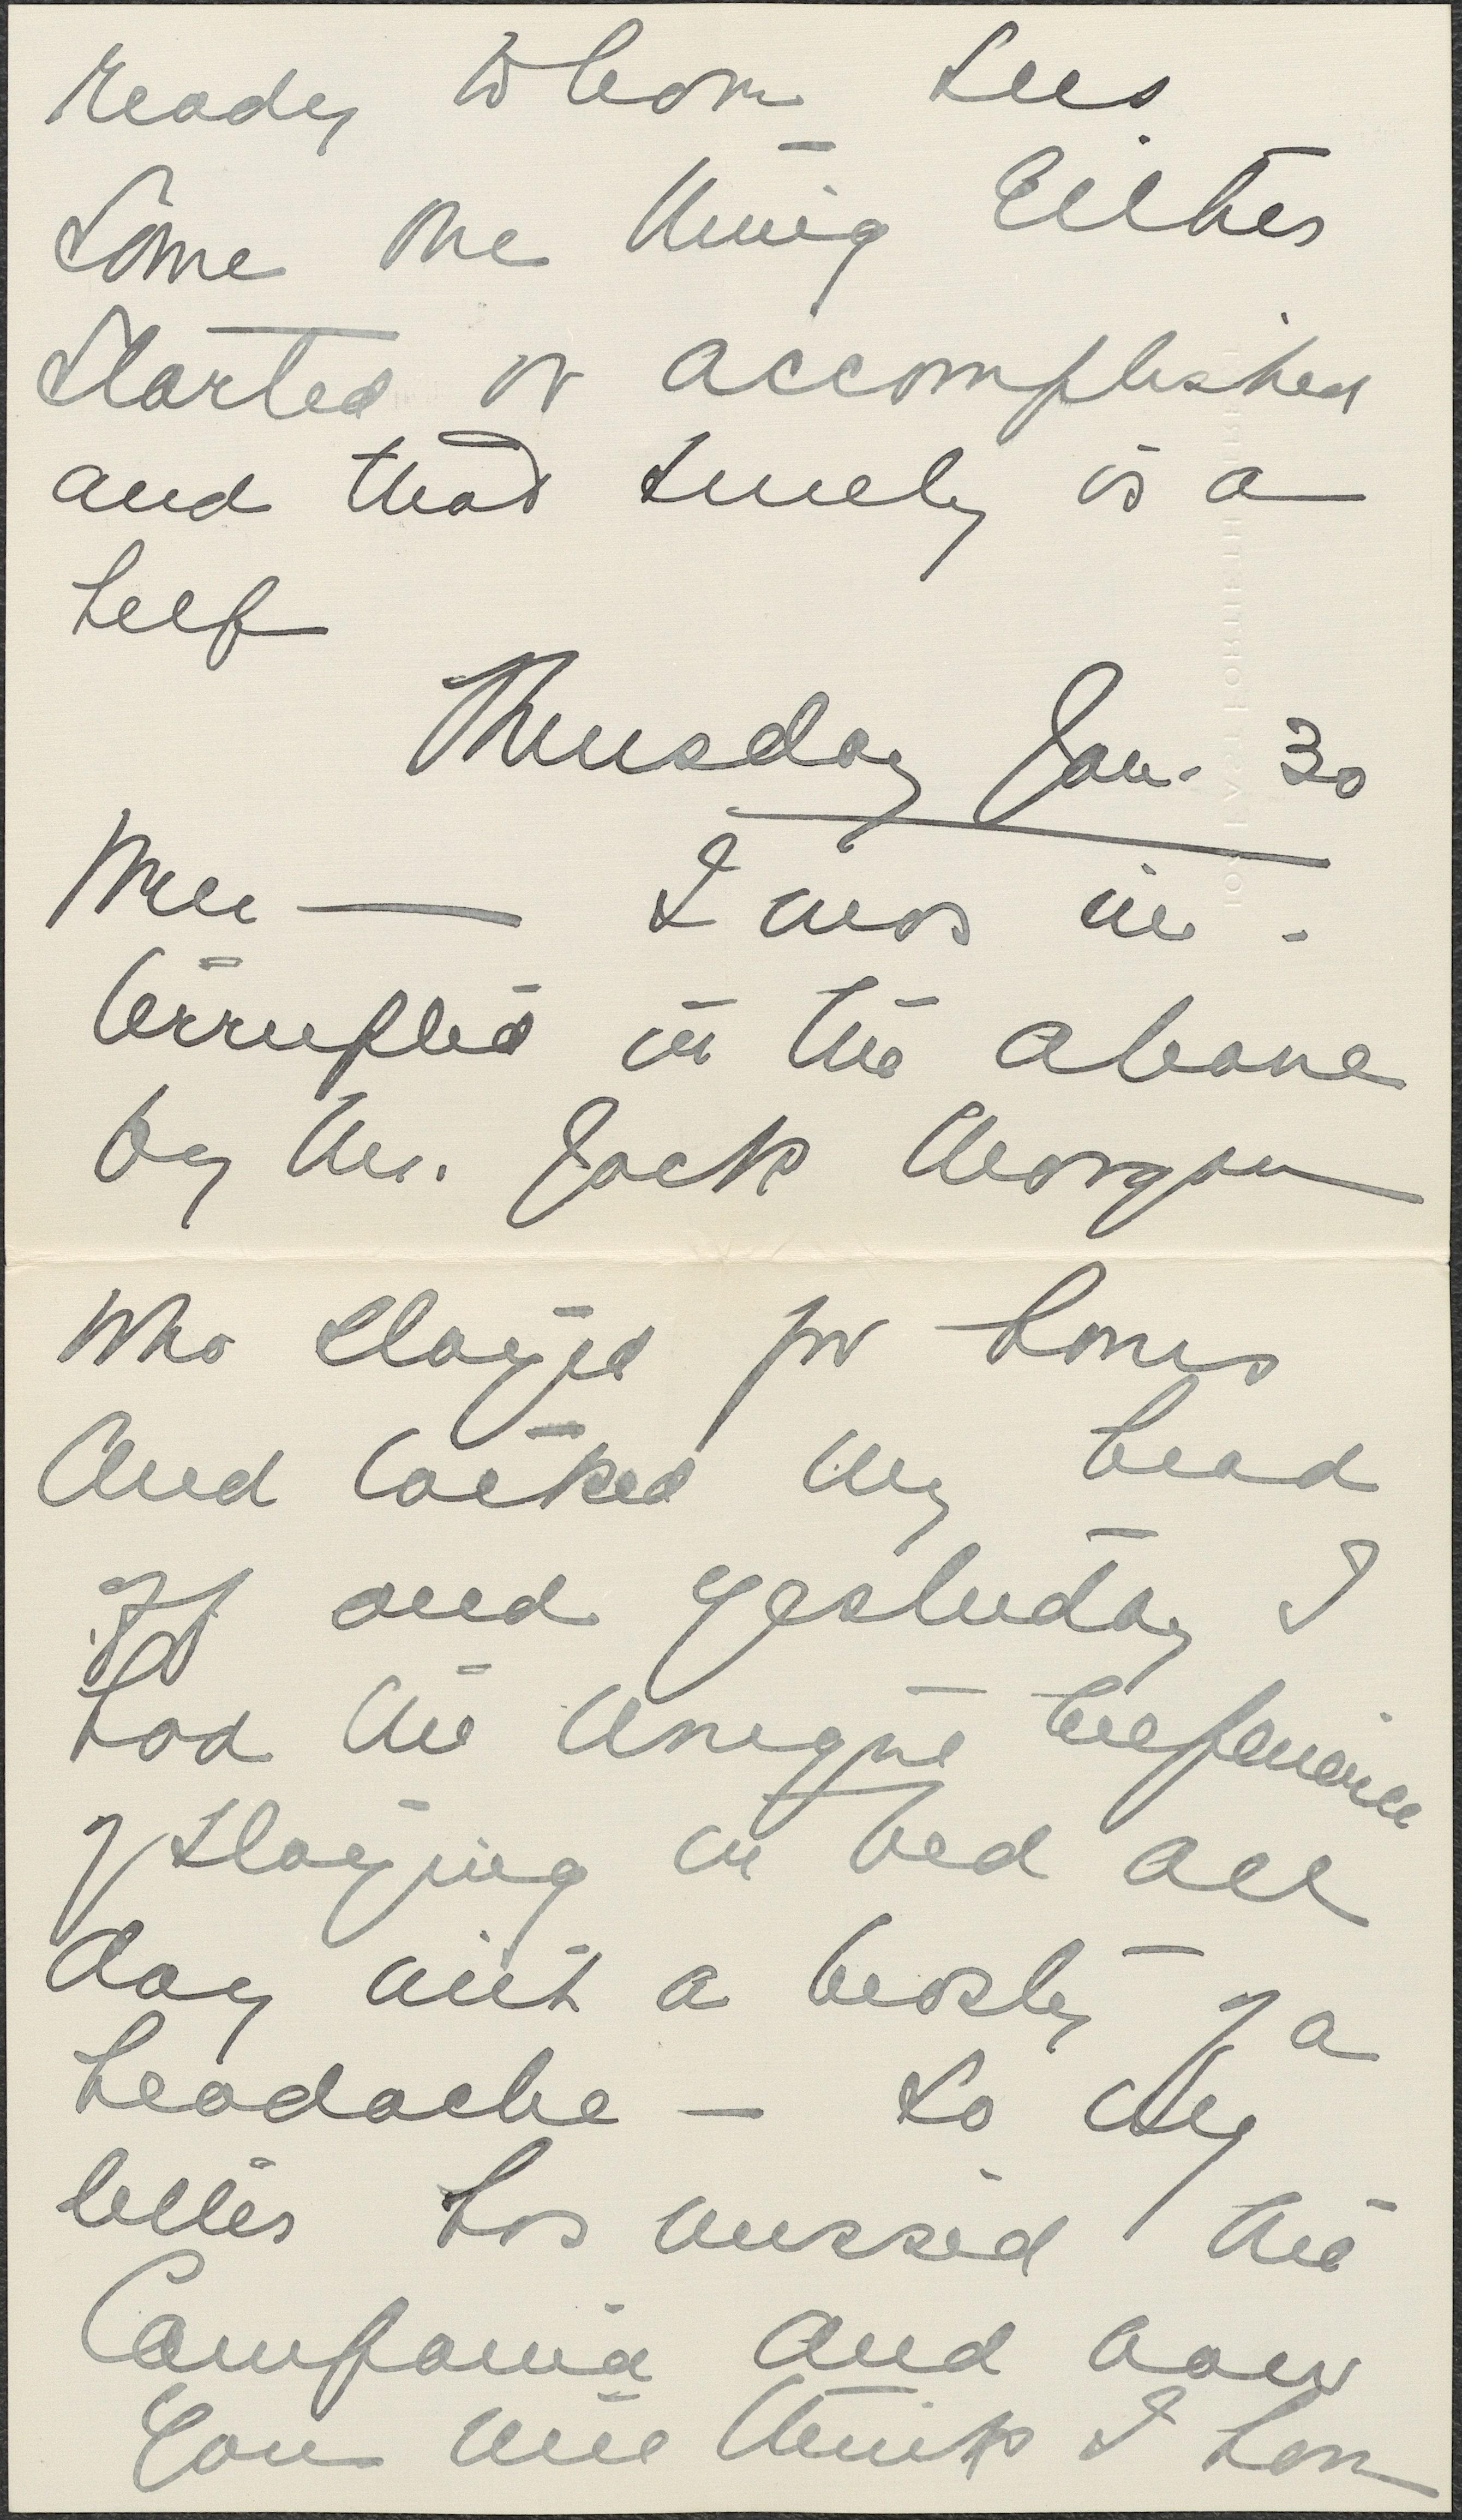ready to leave sees some one thing either started or accomplished and that surely is a help
Thursday, Jan. 30
Well – I was interrupted in the above by Mr. Jack Morgan who stayed for hours and talked my head off and yesterday I had the unique experience of staying in bed all day with a beasty of a headache – so my letter has missed the Campania and now you will think I have